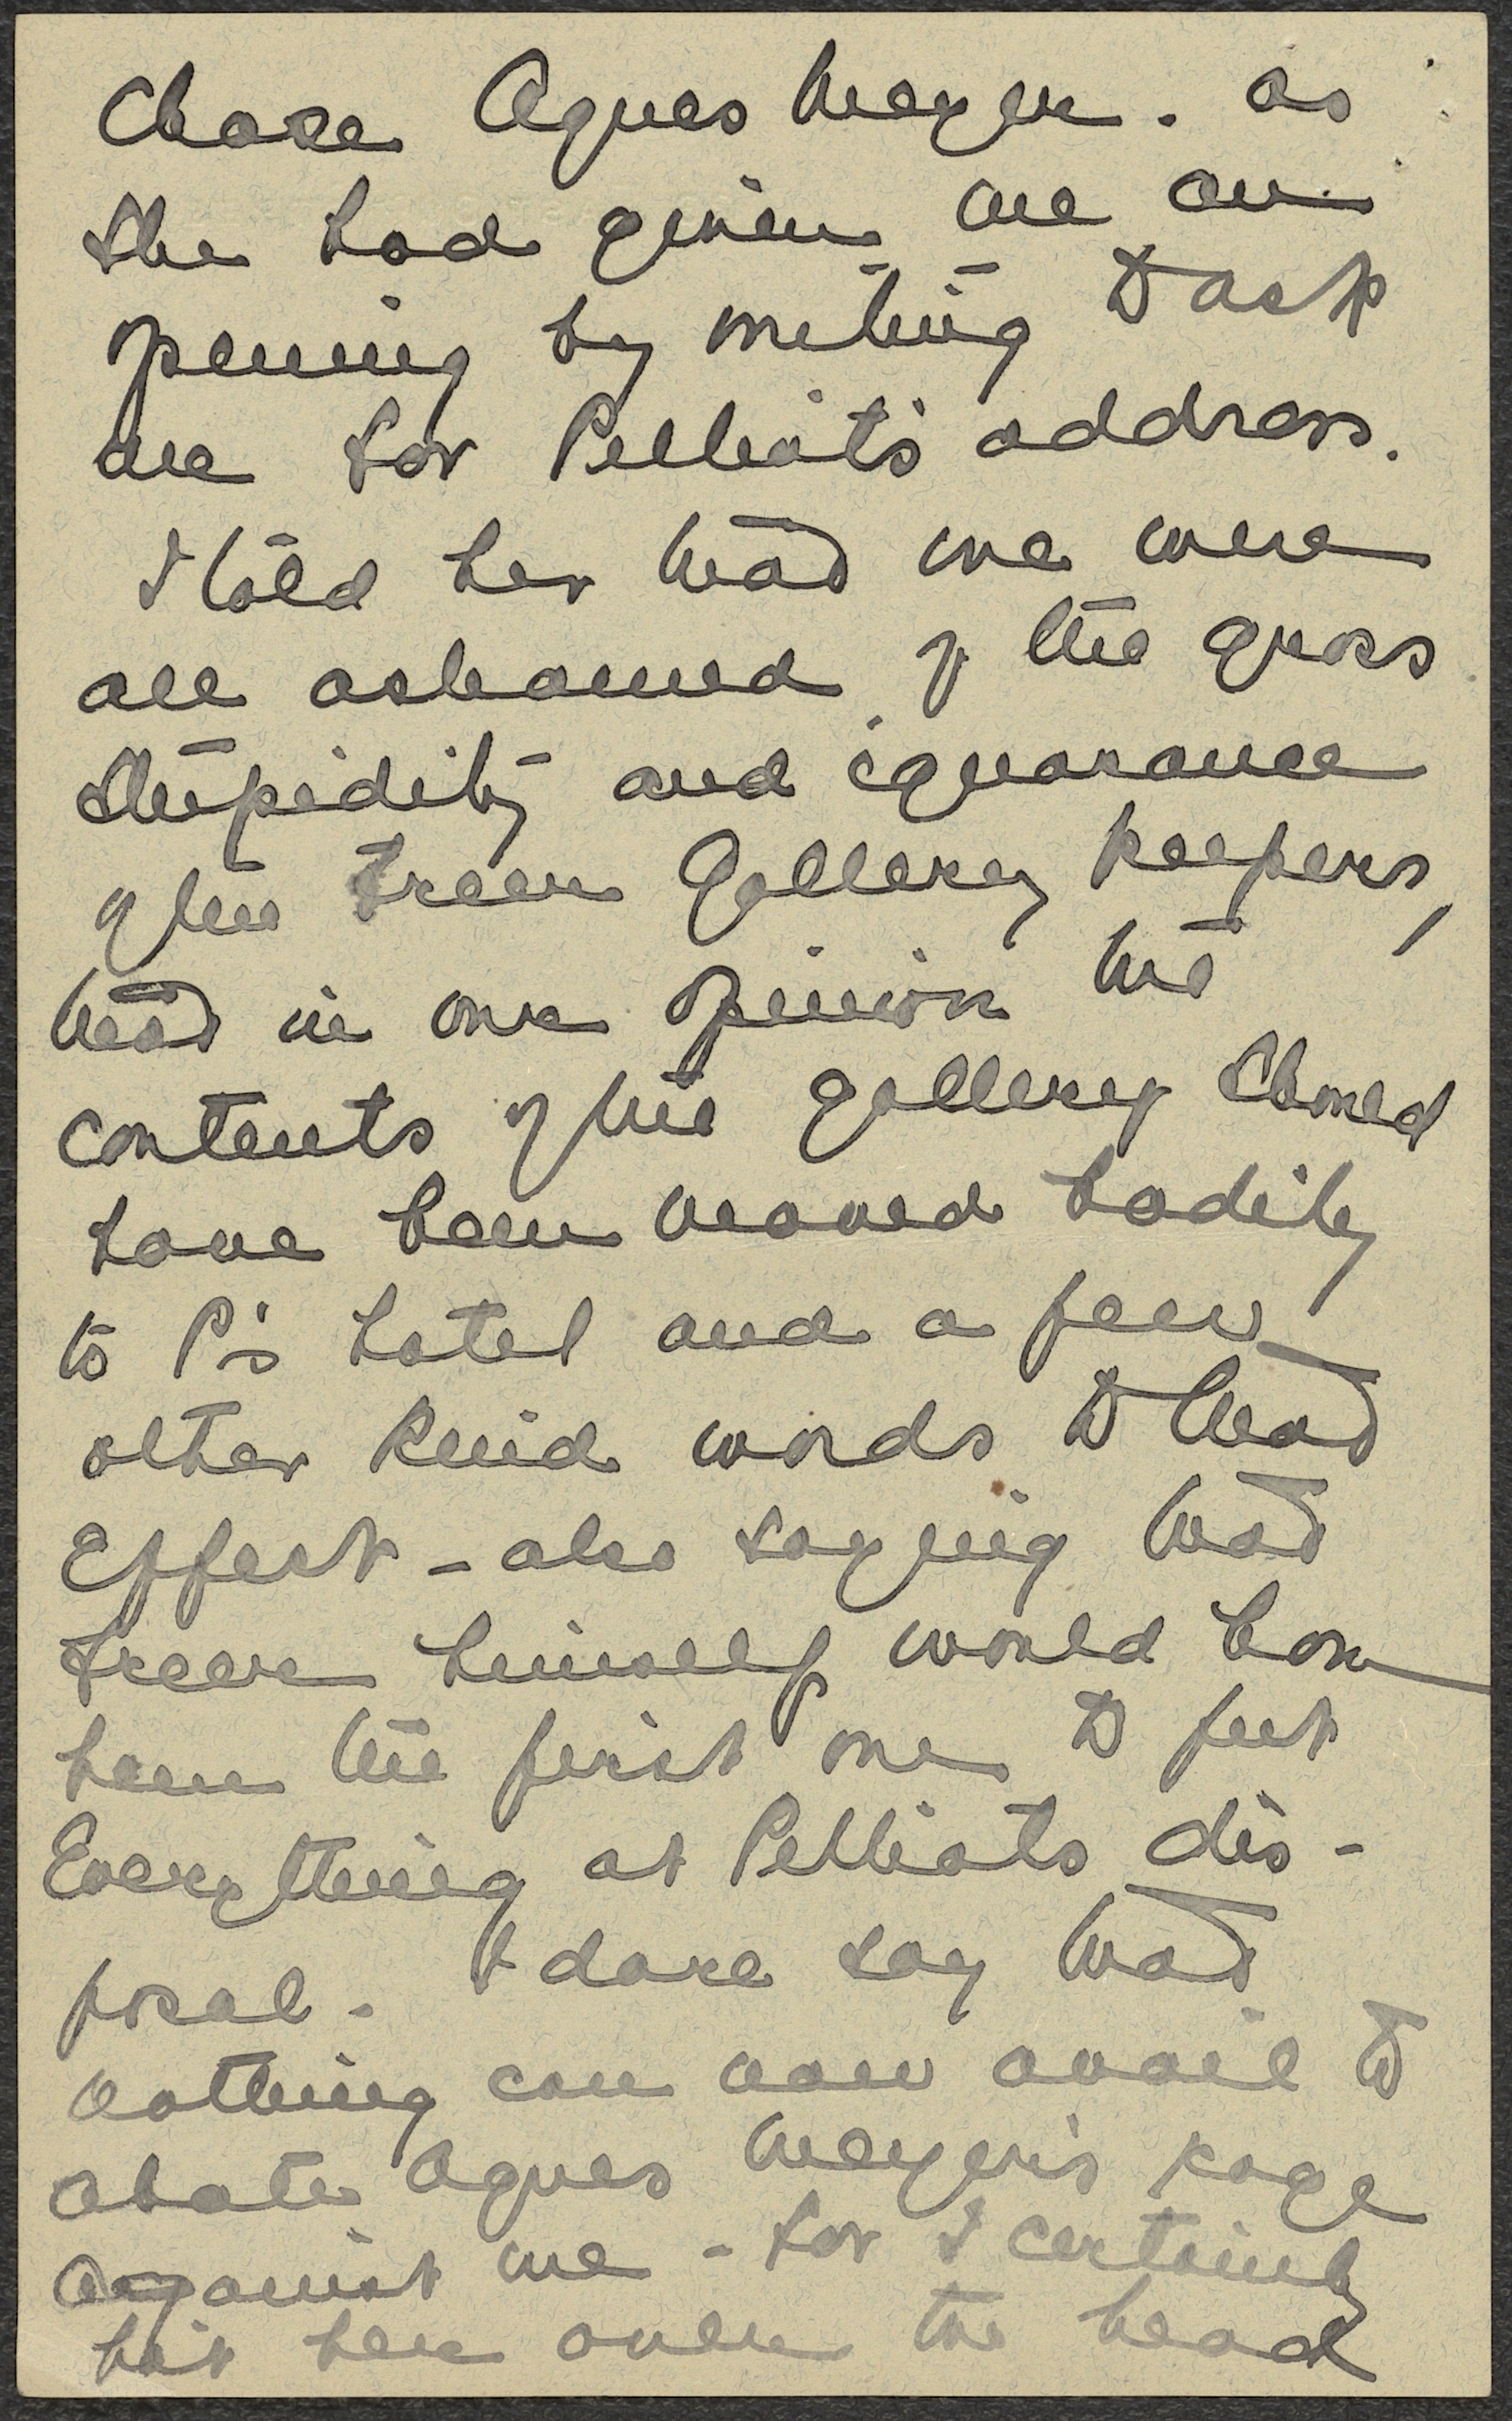chose Agnes Meyer – as she had given me an opening by writing to ask me for Pelliot’s address.
I told her that we were all ashamed of the gross stupidity and ignorance of the Freer Gallery keepers, that in our opinion the contents of the gallery should have been moved bodily to P’s hotel and a few other kind words to that effect – also saying that Freer himself would have been the first one to put everything at Pelliot’s disposal – I dare say that nothing can now avail to abate Agnes Meyer’s rage against me – for I certainly hit her over the head